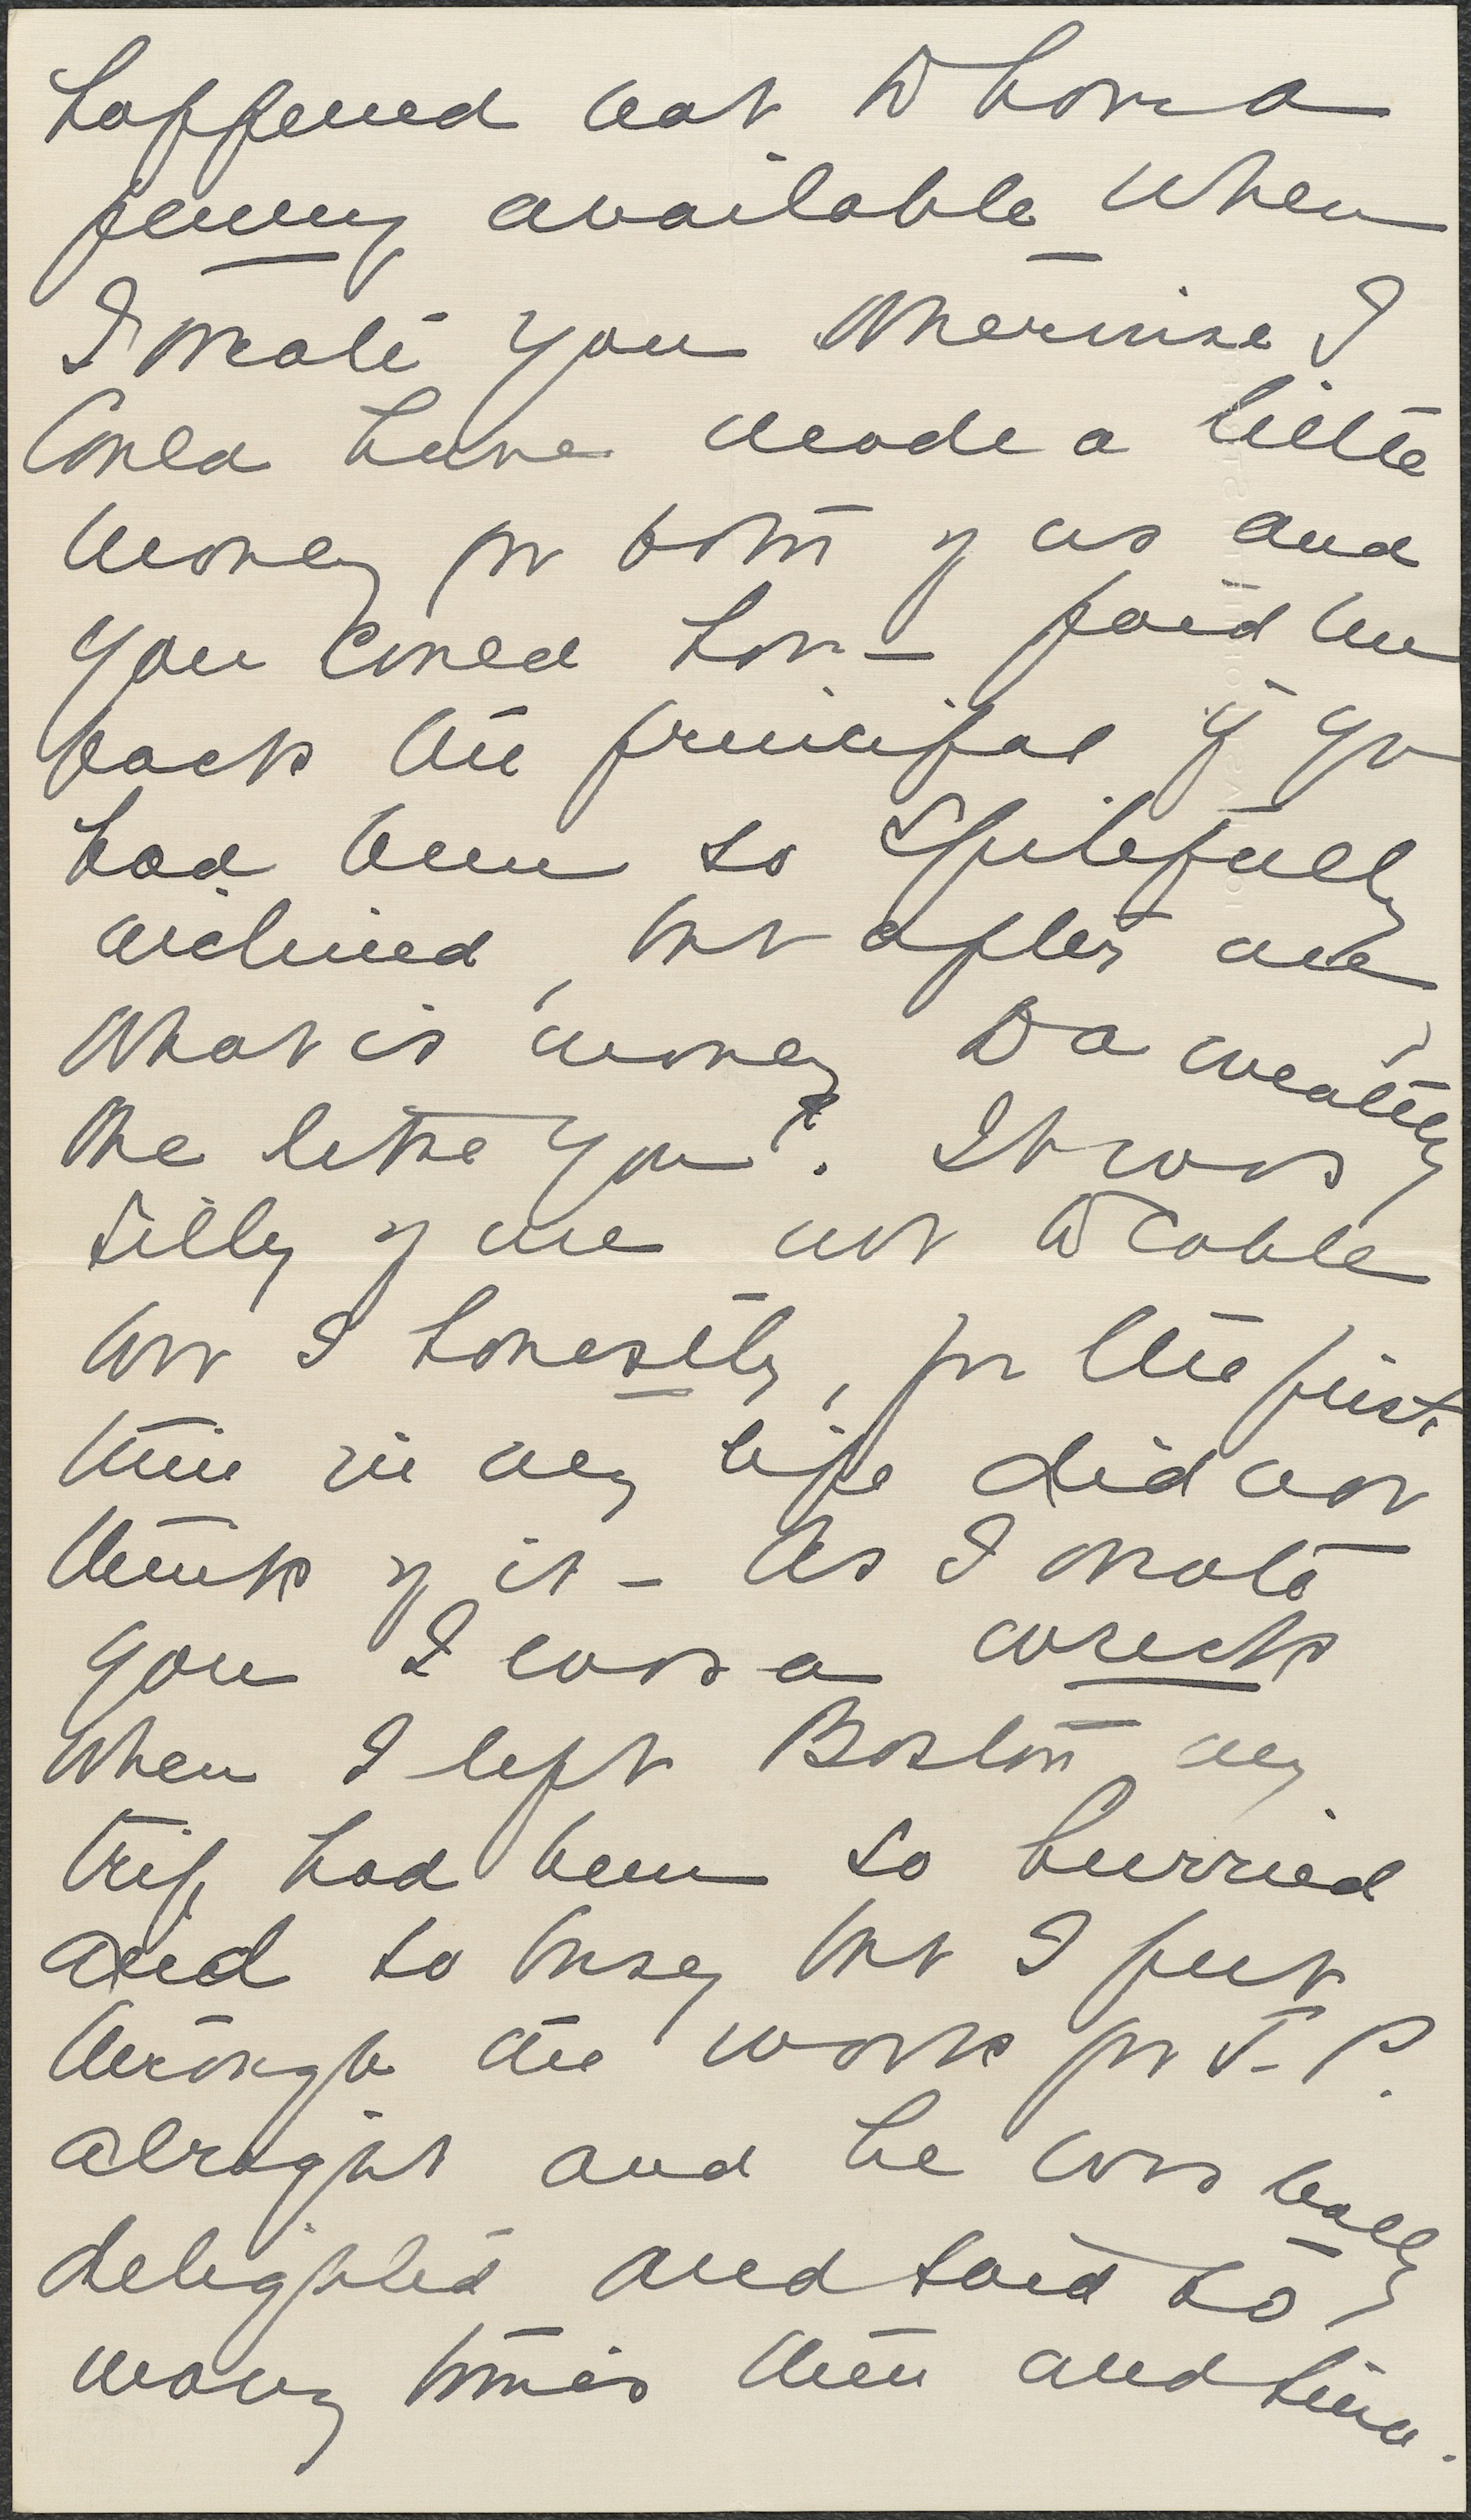happened not to have a penny available when I wrote you otherwise I could have made a little money for both of us and you could have – paid me back the principal if you had been so spitefully inclined, but after all, what is money to a wealthy one like you? It was silly of me not to cable but I honestly, for the first time in my life did not think of it – as I wrote you I was a wreck when I left Boston my trip had been so hurried and so busy but I put through the work for J. P. alright and he was really delighted and said so many times then and since.